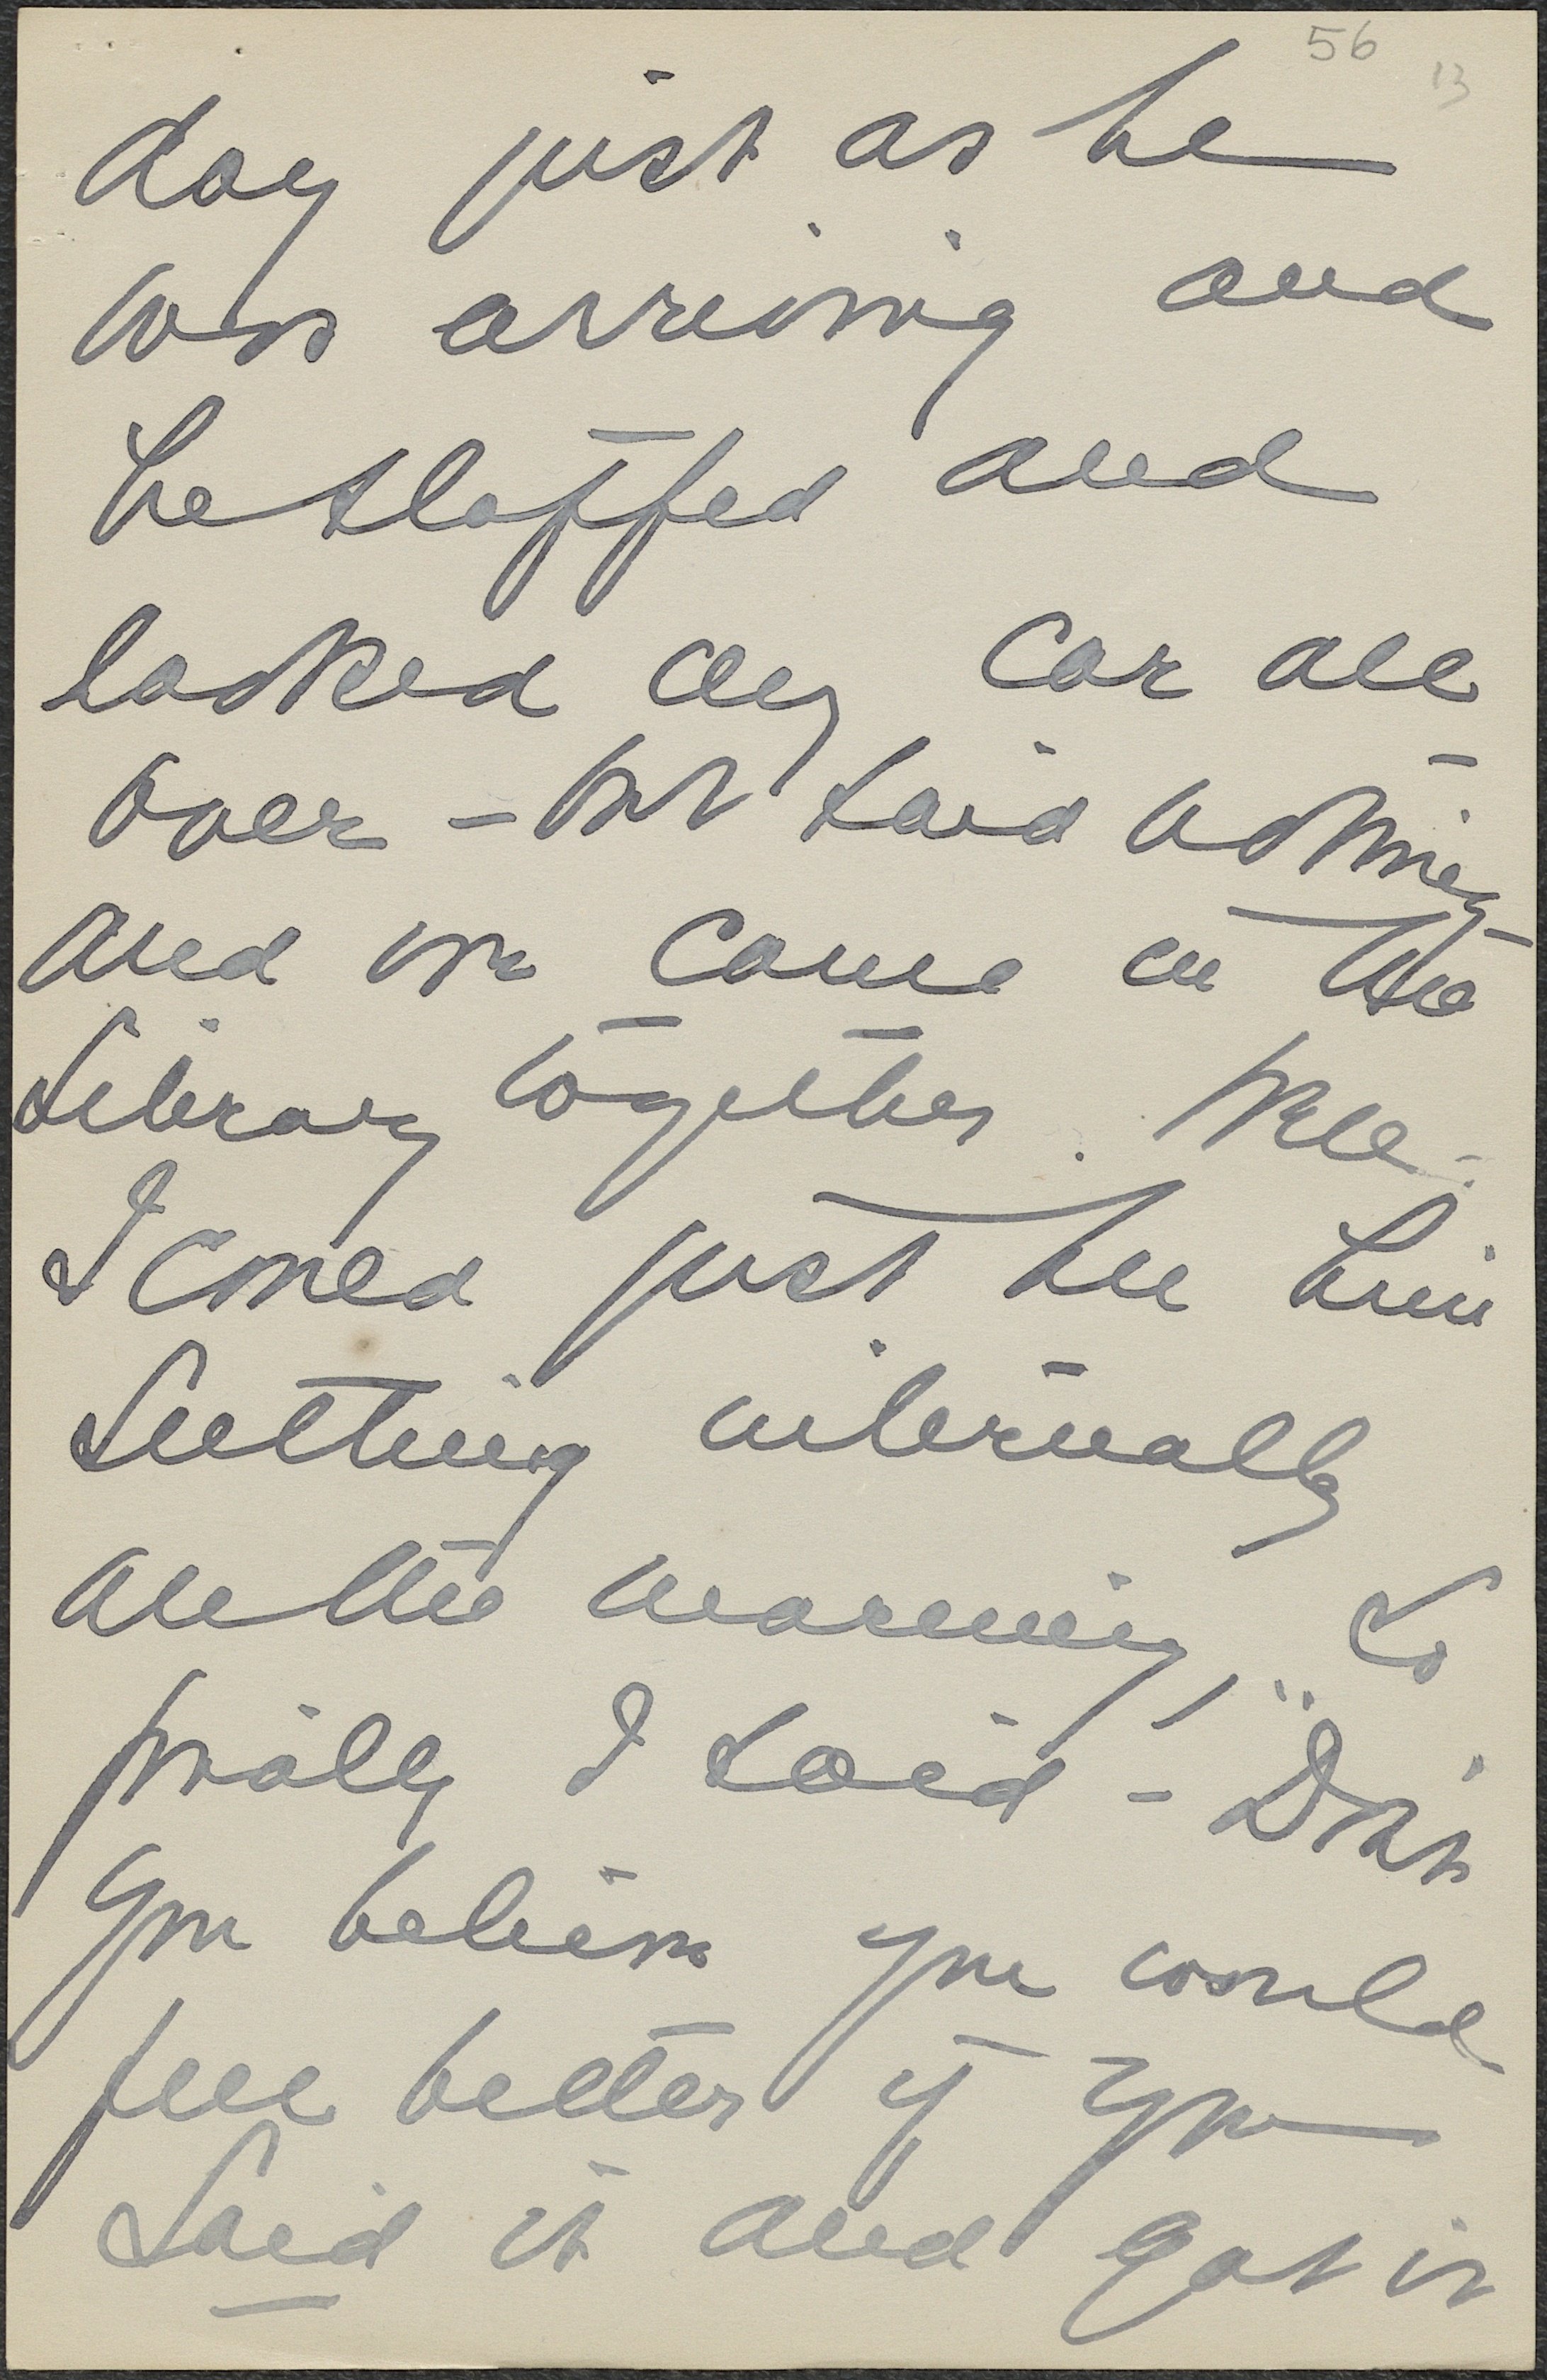day just as he was arriving and he stopped and looked my car all over – but said nothing and we came in the Library together. Well I could just see him seething internally all the morning, so finally I said – “Don’t you believe you would feel better if you said it and got it